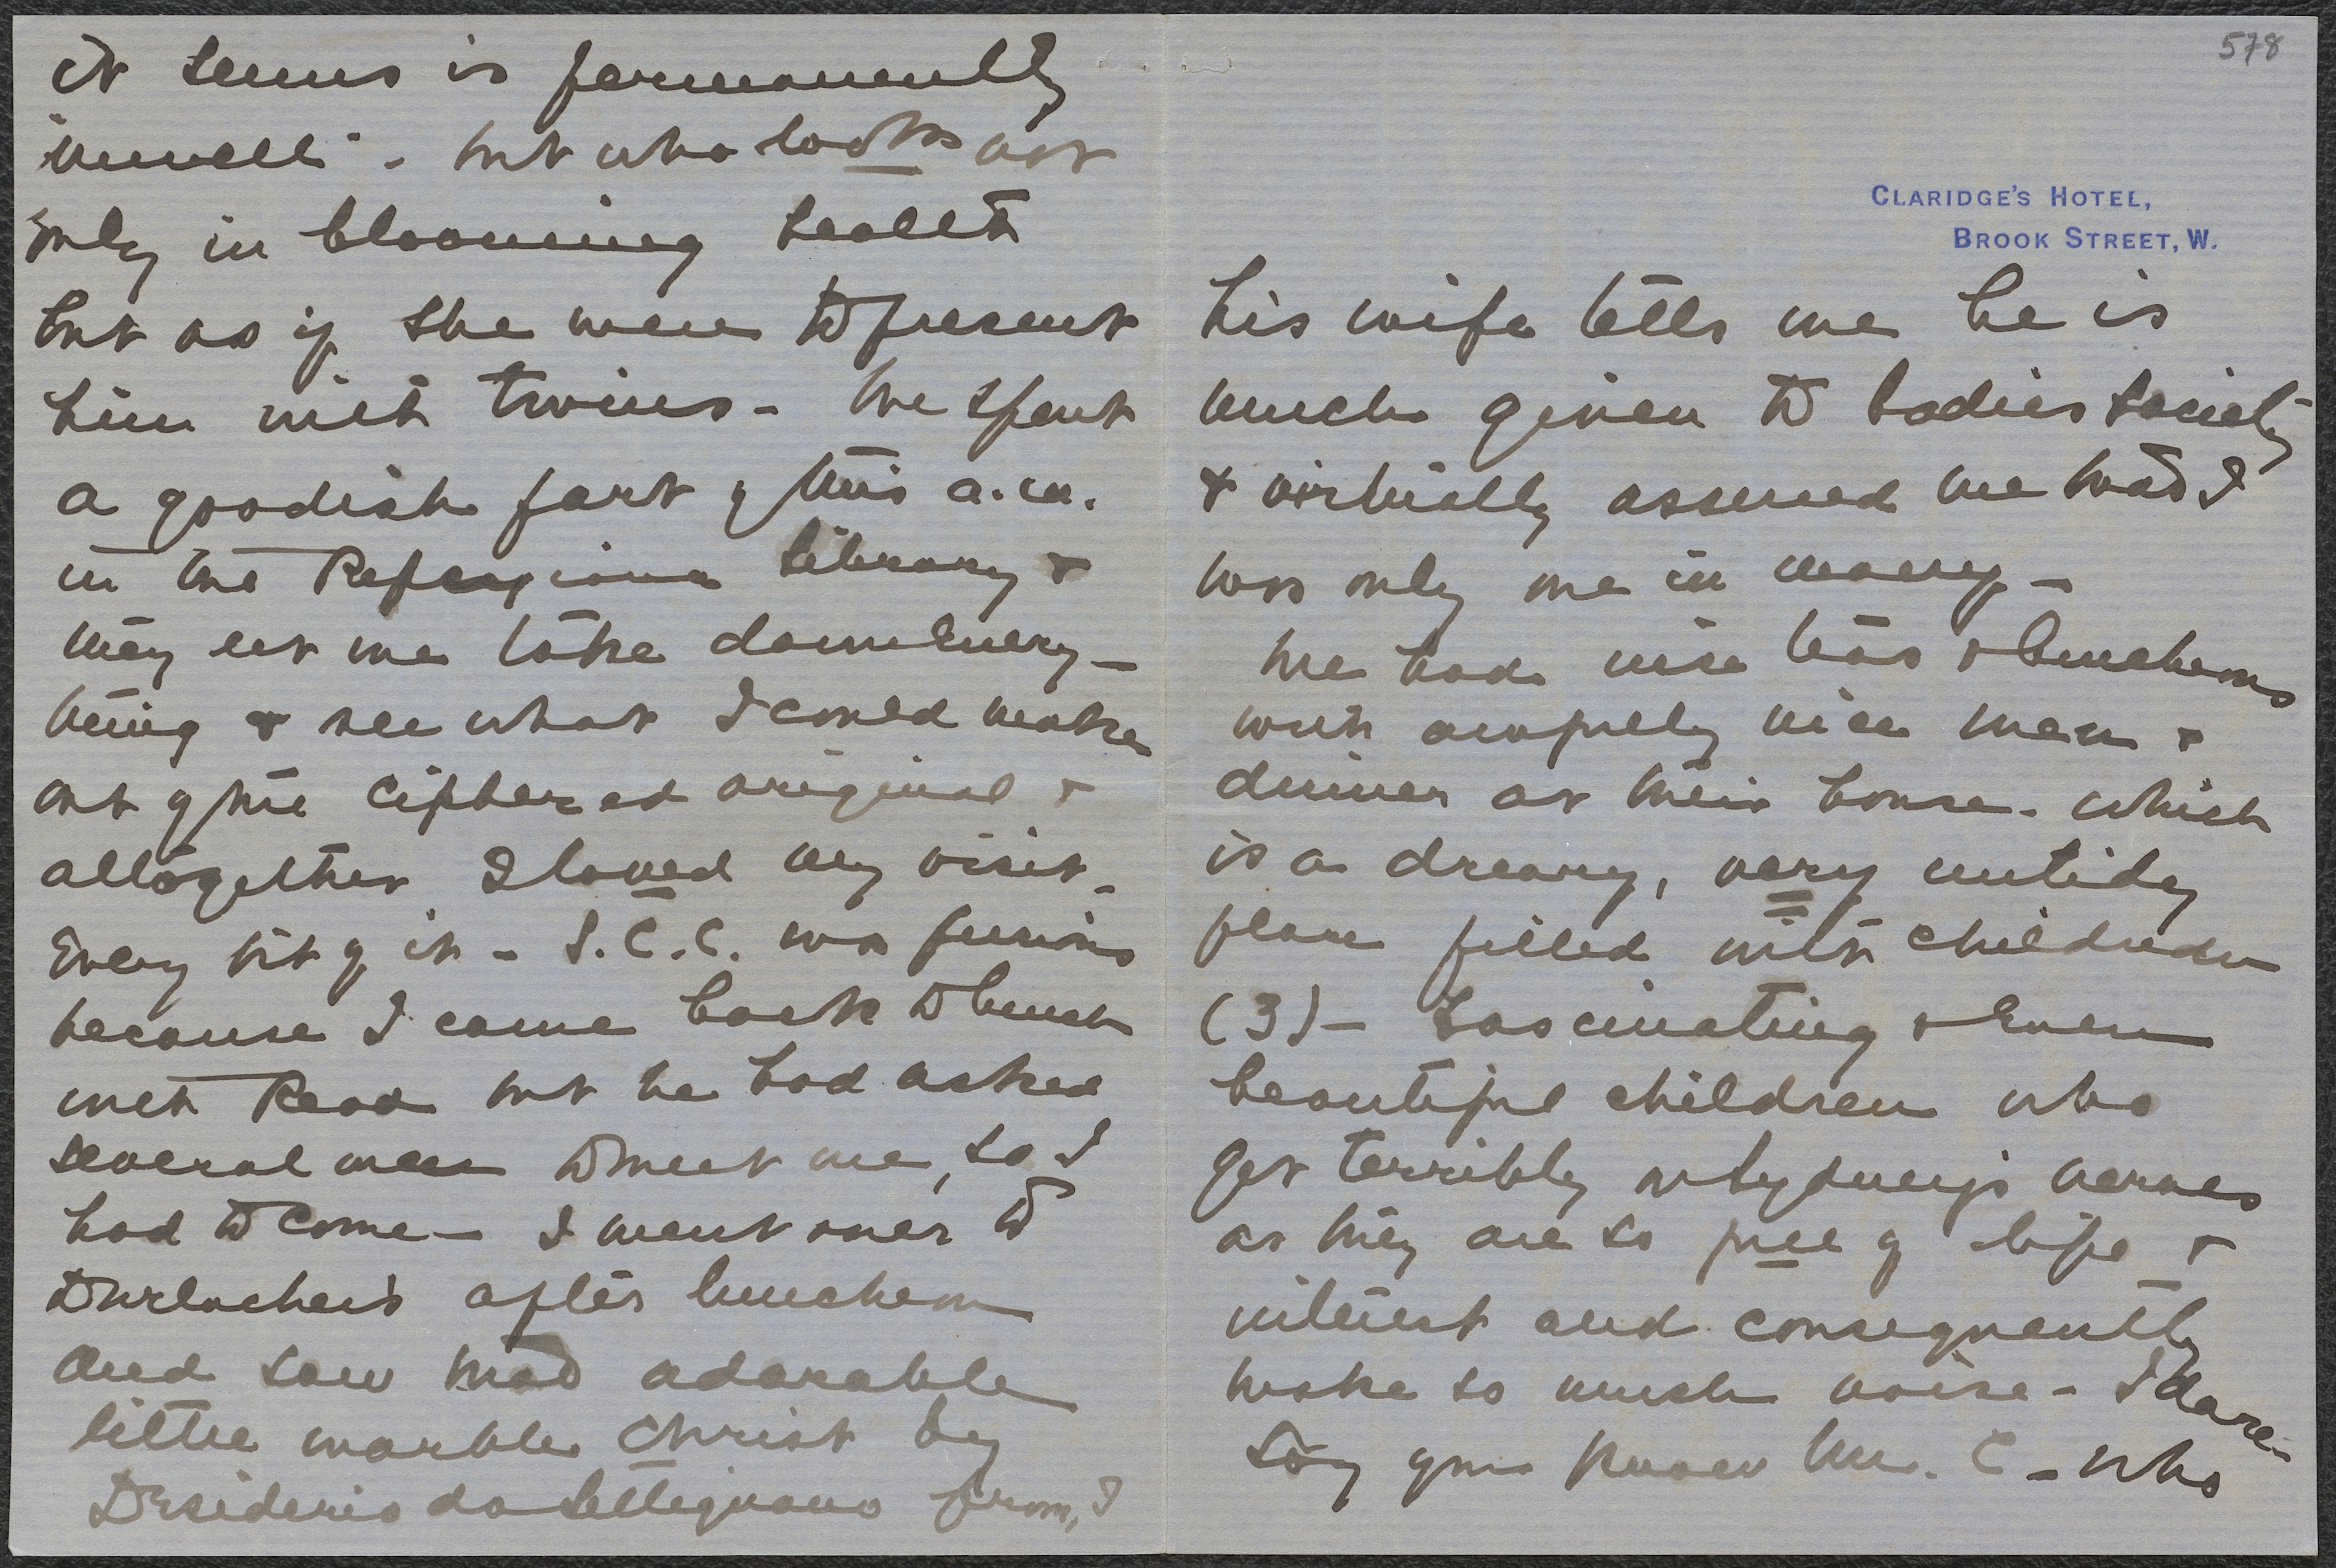his wife tells me he is much given to ladies society & virtually assured me that I was only one in many –
We had nice teas with awfully nice men & dinner at their house – which is a dreary, [double underlined: very] untidy place filled with children (3) – fascinating & even beautiful children who get terribly on Sydney’s nerves as they are so full of life & interest and consequently make so much noise – I dare say you know Mrs. C – who
it seems is permanently unwell, but who looks not only in blooming health but as if she were to present him with twins – We spent a goodish part of this a.m. in the Pepysiana Library & they let me take down everything & see what I could make out of the ciphered original & altogether I loved my visit – Every bit of it – S. C. C. was furious because I came back to lunch with Read but he had asked several men to meet me, so I had to come – I went over to Durlacher’s after luncheon and saw that adorable little marble Christ by Desiderio da Settignano from, I